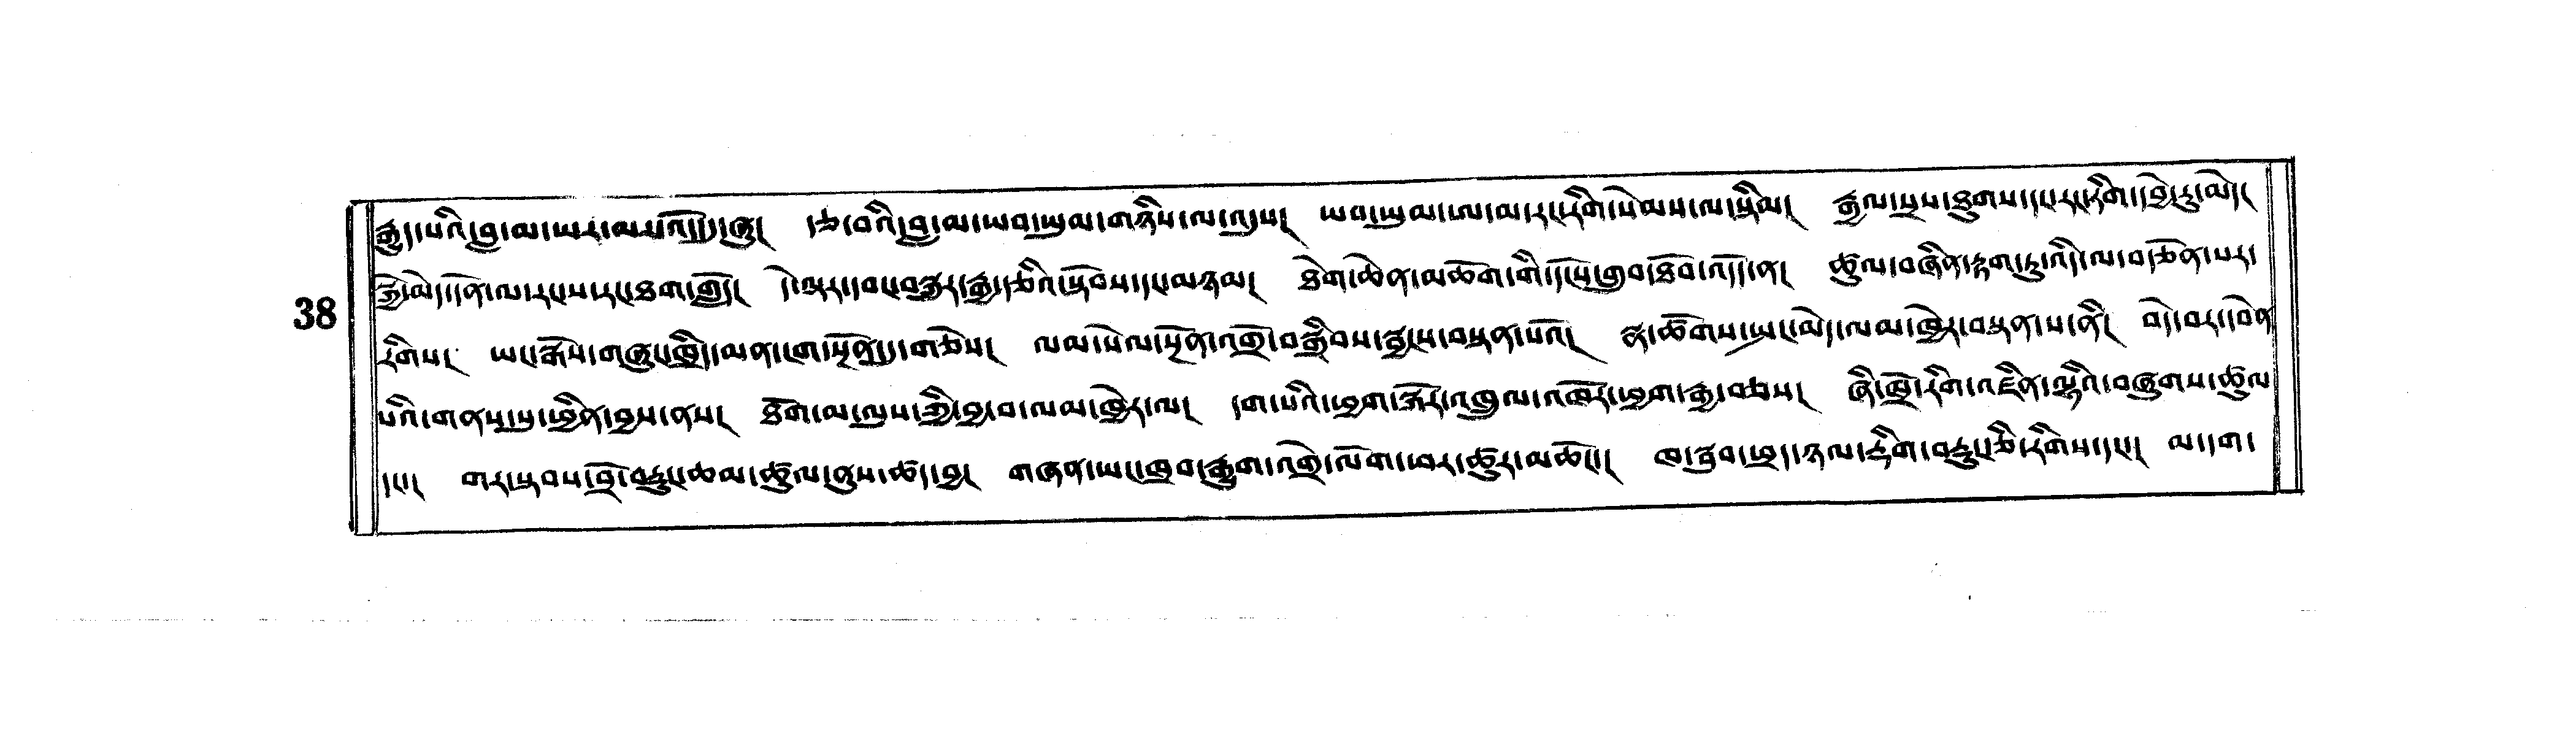རྒྱུད་པའི་བླ་མ་ཡར་མར་འོད་དུ་ཞུ། རྩ་བའི་བླ་མ་ཡབ་ཡུམ་གཉིས་ལ་འདུས། ཡབ་ཡུམ་ཨ་མ་རང་རིག་སེམས་ལ་བསྟིམ། རྒྱལ་སྲས་ཐུགས་དང་རང་རིག་དབྱེ་རུ་མེད། 
སྐྱེ་མེད་དོན་ལ་རང་ས་རང་ཐག་གློད། དེ་ལྟར་དབང་སྒྱུར་བརྒྱ་རྩའི་སྟོབས་དང་མཉམ། ཐེག་ཆེན་མཆོག་གི་དངོས་གྲུབ་ཐོབ་འདོད་ན། ཚུལ་བཞིན་རྟག་ཏུ་འདི་ལ་བརྩོན་པར་
རིགས། ཡང་སྒོས་གཞུང་ཁྲིད་མན་ངག་སྔོན་དུ་གཅེས། ལམ་སེལ་སྔོན་འགྲོ་སྒྲིབ་སྦྱང་བསྟན་པའོ། སྣ་ཚོགས་སྤང་མེད་ལམ་ཁྱེར་བསྟན་པ་ནི། བདེ་བར་དབེན་
པའི་གནས་སུ་ཕྱིན་བྱས་ནས། ཐོག་མ་ལུས་ཀྱི་བྱ་བ་ལམ་ཁྱེར་ལ། དག་པའི་ཕྱག་སྐོར་འཕྲུལ་འཁོར་ཕྱག་རྒྱ་བཅའ། ཞི་ཁྲོ་རིག་འཛིན་ལྷ་ཡི་བཞུགས་ཚུལ་
དང་། གར་སྟབས་བྲོ་བརྡུང་འཆམ་ཚུལ་ནུས་ཚད་བྱ། གཞན་ཡང་འཁྲབ་རྒྱུག་འགྲེ་ལོག་ཕར་ཚུར་མཆོང་། ཁ་སྦུབས་འཕྲད་ཉལ་རྡིག་བརྡུང་ཅི་རིགས་དང་། མ་དག་